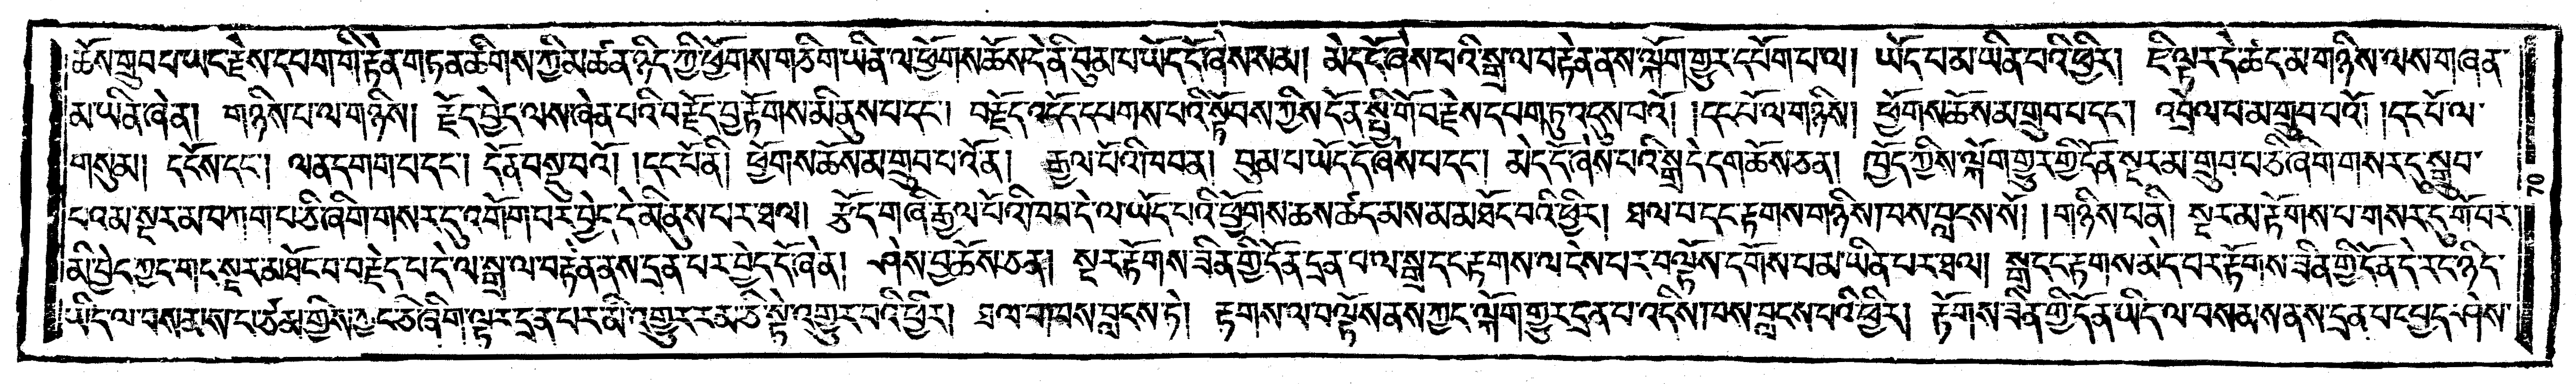ཆོས་གྲུབ་པ་ཡང་རྗེས་དཔག་གི་རྟེན་གཏན་ཚིགས་ཀྱི་མཚན་ཉིད་ཀྱི་ཕྱོགས་གཅིག་ཡིན་ལ་ཕྱོགས་ཆོས་དེ་ནི་བུམ་པ་ཡོད་དོ་ཞེས་སམ། མེད་དོ་ཞེས་པའི་སྒྲ་ལ་བརྟེན་ནས་ལྐོག་གྱུར་དཔོག་པ་ལ། ཡོད་པ་མ་ཡིན་པའི་ཕྱིར། ཇི་ལྟར་དེ་ཚད་མ་གཉིས་ལས་གཞན་
མ་ཡིན་ཞེ་ན། གཉིས་པ་ལ་གཉིས། རྗེས་བྱེད་ལས་ཞེན་པའི་བརྗོད་བྱ་རྟོགས་མི་ནུས་པ་དང་། བརྗོད་འདོད་དཔགས་པའི་སྟོབས་ཀྱིས་དོན་སྤྱི་གོ་བ་རྗེས་དཔག་ཏུ་འདུས་པའོ། །དང་པོ་ལ་གཉིས། ཕྱོགས་ཆོས་མ་གྲུབ་པ་དང་། འབྲེལ་པ་མ་གྲུབ་པའོ། །དང་པོ་ལ་
གསུམ། དངོས་དང་། ལན་དགག་པ་དང་། དོན་བསྡུ་བའོ། །དང་པོ་ནི། ཕྱོགས་ཆོས་མ་གྲུབ་པ་འོ་ན། རྒྱལ་པོའི་ཁབ་ན། བུམ་པ་ཡོད་དོ་ཞེས་པ་དང་། མེད་དོ་ཞེས་པའི་སྒྲ་དེ་དག་ཆོས་ཅན། ཁྱོད་ཀྱིས་ལྐོག་གྱུར་གྱི་དོན་སྔར་མ་གྲུབ་པ་ཅི་ཞིག་གསར་དུ་སྒྲུབ་
པའམ་སྔར་མ་བཀག་པ་ཅི་ཞིག་གསར་དུ་འགོག་པར་བྱེད་དེ་མི་ནུས་པར་ཐལ། རྩོད་གཞི་རྒྱལ་པོའི་ཁབ་དེ་ལ་ཡོད་པའི་ཕྱོགས་ཆས་ཚད་མས་མ་མཐོང་བའི་ཕྱིར། ཐལ་བ་དང་རྟགས་གཉིས་ཁས་བླངས་སོ། །གཉིས་པ་ནི། སྔར་མ་རྟོགས་པ་གསར་དུ་གོ་བར་
མི་བྱེད་ཀྱང་གང་སྔར་མཐོང་བ་བརྗེད་པ་དེ་ལ་སྒྲ་ལ་བརྟེན་ནས་དྲན་པར་བྱེད་དོ་ཞེ་ན། ཤེས་བྱ་ཆོས་ཅན། སྔར་རྟོགས་ཟིན་གྱི་དོན་དྲན་པ་ལ་སྒྲ་དང་རྟགས་ལ་ངེས་པར་བལྟོས་དགོས་པ་མ་ཡིན་པར་ཐལ། སྒྲ་དང་རྟགས་མེད་པར་རྟོགས་ཟིན་གྱི་དོན་དེ་རང་ཉིད་
ཡིད་ལ་བསམས་པ་ཙམ་གྱིས་ཀྱང་ཅི་ཞིག་ལྟར་དྲན་པར་མི་འགྱུར་རམ་ཅི་སྟེ་འགྱུར་བའི་ཕྱིར། ཐལ་བ་ཁས་བླངས་ཏེ། རྟགས་ལ་བལྟོས་ནས་ཀྱང་ལྐོག་གྱུར་དྲན་པ་འདིས་ཁས་བླངས་པའི་ཕྱིར། རྟོགས་ཟིན་གྱི་དོན་ཡིད་ལ་བསམས་ནས་དྲ་པར་དཔྱད་ཤེས་